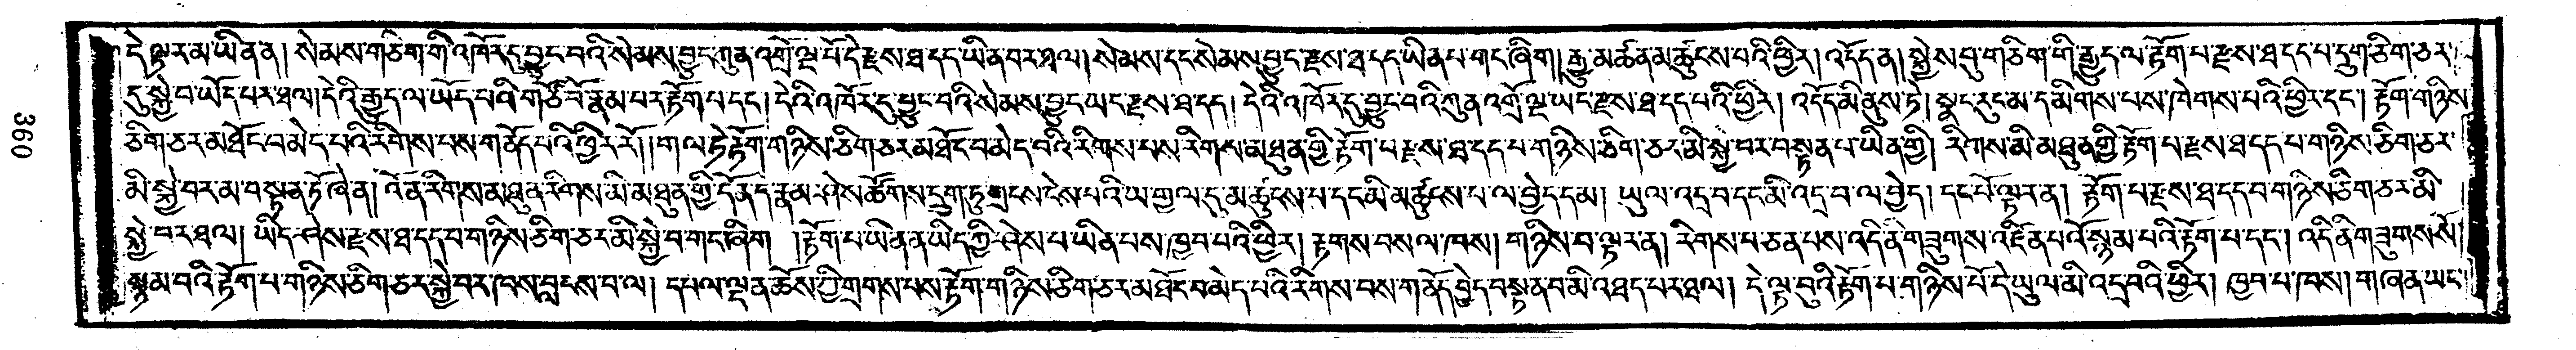དེ་ལྟར་མ་ཡིན་ན། སེམས་གཅིག་གི་འཁོར་དུ་བྱུང་བའི་སེམས་བྱུང་ཀུན་འགྲོ་ལྔ་པོ་དེ་རྫས་ཐ་དད་ཡིན་པར་ཐལ། སེམས་དང་སེམས་བྱུང་རྫས་ཐ་དད་ཡིན་པ་གང་ཞིག །རྒྱུ་མཚན་མཚུངས་པའི་ཕྱིར། འདོད་ན། སྐྱེས་བུ་གཅིག་གི་རྒྱུད་ལ་རྟོག་པ་རྫས་ཐ་དད་པ་དྲུག་ཅིག་ཅར་
དུ་སྐྱེ་བ་ཡོད་པར་ཐལ། དེའི་རྒྱུད་ལ་ཡོད་པའི་གཙོ་བོ་རྣམ་པར་རྟོག་པ་དང་། དེའི་འཁོར་དུ་བྱུང་བའི་སེམས་བྱུང་ཡང་རྫས་ཐ་དད། དེའི་འཁོར་དུ་བྱུང་བའི་ཀུན་འགྲོ་ལྔ་ཡང་རྫས་ཐ་དད་པའི་ཕྱིར། འདོད་མི་ནུས་ཏེ། སྣང་རུང་མ་དམིགས་པས་ཁེགས་པའི་ཕྱིར་དང་། རྟོག་གཉིས་
ཅིག་ཅར་མཐོང་བ་མེད་པའི་རིགས་པས་གནོད་པའི་ཕྱིར་རོ། །གལ་ཏེ་རྟོག་གཉིས་ཅིག་ཅར་མཐོང་བ་མེད་པའི་རིགས་པས་རིགས་མཐུན་གྱི་རྟོག་པ་རྫས་ཐ་དད་པ་གཉིས་ཅིག་ཅར་མི་སྐྱེ་བར་བསྟན་པ་ཡིན་གྱི། རིགས་མི་མཐུན་གྱི་རྟོག་པ་རྫས་ཐ་དད་པ་གཉིས་ཅིག་ཅར་
མི་སྐྱེ་བར་མ་བསྟན་ཏོ་ཞེ་ན། འོ་ན་རིགས་མཐུན་རིགས་མི་མཐུན་གྱི་དོན་དེ་རྣམ་ཤེས་ཚོགས་དྲུག་ཏུ་གྲངས་ངེས་པའི་ཡ་གྱལ་དུ་འདྲ་བ་ལ་བྱེད། དང་པོ་ལྟར་ན། རྟོག་པ་རྫས་ཐ་དད་པ་འདྲ་བ་ལ་བྱེད། དང་པོ་ལྟར་ན། རྟོག་པ་རྫས་ཐ་དད་པ་གཉིས་ཅིག་ཅར་མི་
སྐྱེ་བར་ཐལ། ཡེད་ཤེས་རྫས་ཐ་དད་པ་གཉིས་ཅིག་ཅར་མི་སྐྱེ་བ་གང་ཞིག །རྟོག་པ་ཡིན་ན་ཡིད་ཀྱི་ཤེས་པ་ཡིན་པས་ཁྱབ་པའི་ཕྱིར། རྟགས་བསལ་ཁས། གཉིས་པ་ལྟར་ན། རིགས་པ་ཅན་པས་འདི་ནི་གཟུགས་འཛིན་པའོ་སྙམ་པའི་རྟོག་པ་དང་། འདི་ནི་གཟུགས་སོ་
སྙམ་པའི་རྟོག་པ་གཉིས་ཅིག་ཅར་སྐྱེ་བར་ཁས་བླངས་པ་ལ། དཔལ་ལྡན་ཆོས་ཀྱི་གྲགས་པས་རྟོག་གཉིས་ཅིག་ཅར་མཐོང་བ་མེད་པའི་རིགས་པས་གནོད་བྱེད་བསྟན་པ་མི་འཐད་པར་ཐལ། དེ་ལྟ་བུའི་རྟོག་པ་གཉིས་པོ་དེ་ཡུལ་མི་འདྲ་བའི་ཕྱིར། ཁྱབ་པ་ཁས། གཞན་ཡང་།